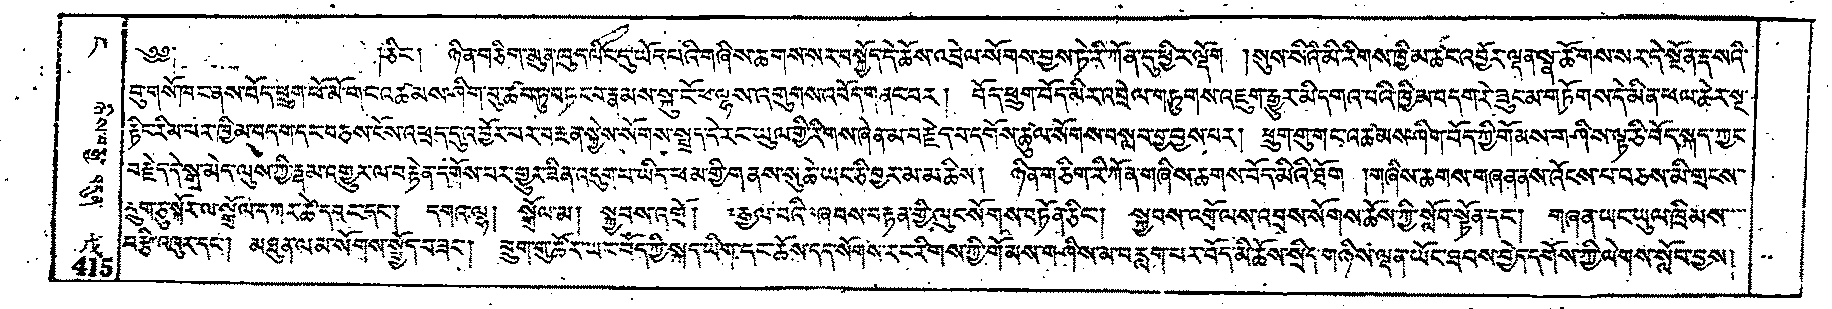༄༅། །ཅིང་། ཉིན་གཅིག་མུན་ཁུད་ལིང་དུ་ཡོད་པའི་གཞིས་ཆགས་སར་བསྐྱོད་དེ་ཆོས་འབྲེལ་སོགས་བྱས་ཏེ་རི་ཀོན་དུ་ཕྱིར་ལྡོག །སུས་སིའི་མི་རིགས་ཁྱིམ་ཚང་འབྱོར་ལྡན་སྣ་ཚོགས་སར་དེ་སྔོན་རྡ་སའི་
བུ་གསོ་ཁང་ནས་བོད་ཕྲུག་ཕོ་མོ་གང་འཚམས་ཤིག་བུ་ཚབ་ཏུ་བཏང་བ་རྣམས་སྐུ་ངོ་ཕ་ལྷས་འགུགས་འབོད་གནང་བར། བོད་ཕྲུག་བོད་མིར་འབྲེལ་གཏུགས་འཇུག་རྒྱུར་མི་དགའ་བའི་ཁྱིམ་བདག་རེ་ཟུང་མ་གཏོགས་དེ་མིན་ཕལ་ཆེར་སྔ་
རྟིང་རིམ་པར་ཁྱིམ་བདག་དང་བཅས་ངོས་འཕྲད་དུ་འབྱོར་པར་བརྔན་སྐྱེས་སོགས་སྤྲད་དེ་རང་ཡུལ་གྱི་རིགས་ཞེན་མ་བརྗེད་པ་དགོས་ཚུལ་སོགས་བསླབ་བྱ་བྱས་པར། ཕྲུག་གུ་གང་འཚམས་ཤིག་བོད་ཀྱི་གོམས་གཤིས་ལྟ་ཅི་བོད་སྐད་ཀྱང་
བརྗེད་དེ་སྒྲ་མེད་ལུས་ཀྱི་རྣམ་འགྱུར་ལ་བརྟེན་དགོས་པར་གྱུར་ཟིན་འདུག་པ་ཡིད་ཕམ་གྱི་གནས་སུ་ཆེ་ཡང་ཅི་བྱར་མ་མཆིས། ཉིན་གཅིག་རི་ཀོན་གཞིས་ཆགས་བོད་མིའི་ཐོག །གཞིས་ཆགས་གཞན་ནས་འོངས་པ་བཅས་མི་གྲངས་
དྲུག་ཅུ་སྐོར་ལ་སྒྲོལ་དཀར་ཚེ་དབང་དང་། དགའ་ལྷ། སྒྲོལ་མ། སྐྱབས་འགྲོ། ༧རྒྱལ་བའི་༧ཞབས་བརྟན་གྱི་ལུང་སོགས་བཏོན་ཅིང་། སྐྱབས་འགྲོ་ལས་འབྲས་སོགས་ཆོས་ཀྱི་སློབ་སྟོན་དང་། གཞན་ཡང་ཡུལ་ཁྲིམས་
བརྩི་འཁུར་དང་། མཐུན་ལམ་སོགས་སྤྱོད་བཟང་། ཕྲུག་གུ་ཚོར་ཡང་བོད་ཀྱི་སྐད་ཡིག་དང་ཆོས་དད་སོགས་རང་རིགས་ཀྱི་གོམས་གཤིས་མ་བརླག་པར་བོད་མི་ཆོས་སྲིད་གཉིས་ལྡན་ཡོང་ཐབས་བྱེད་དགོས་ཀྱི་ལེགས་སློབ་བྱས།